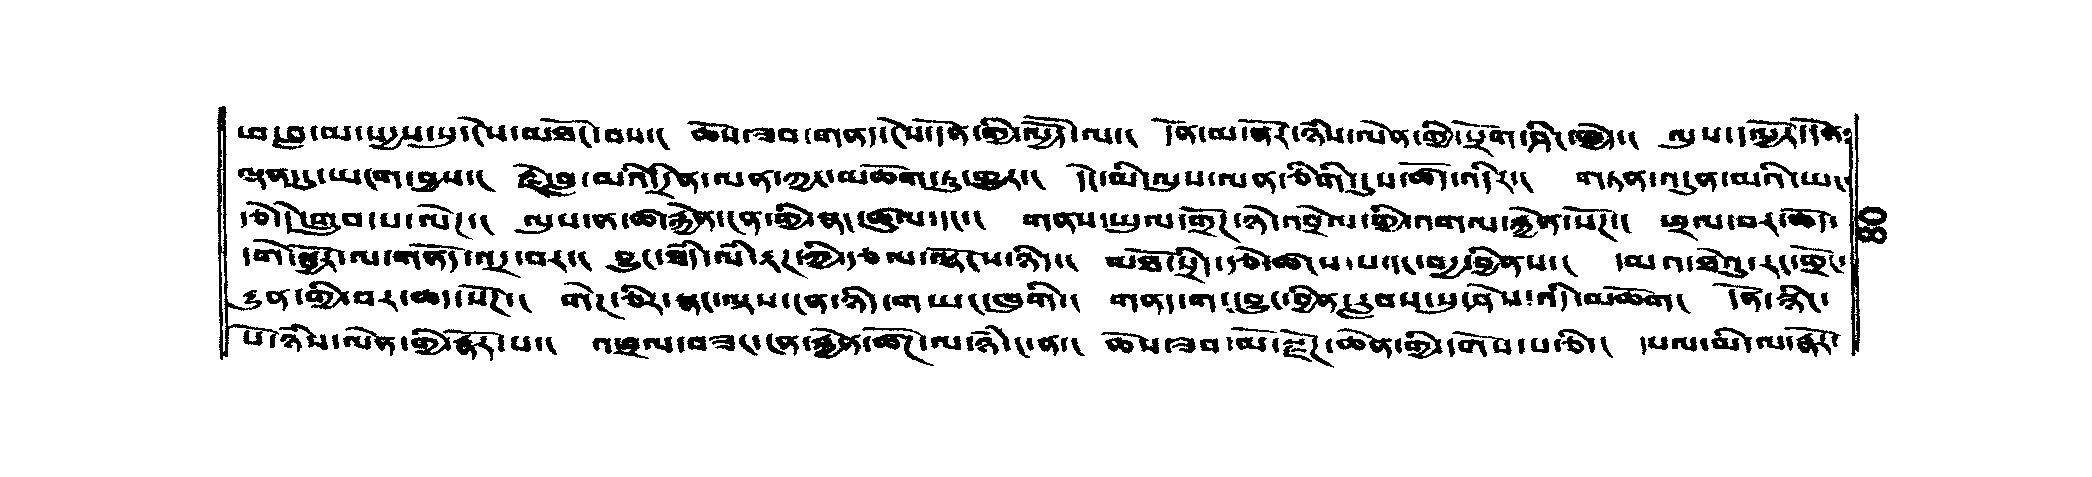ཕ་བླ་མ་སངས་རྒྱས་སུ་ངེས་མཐོང་བས། །ཆོས་ཟབ་གནད་ངེས་དོན་གྱི་ལོངས་སྤྱོད་ལ། །དོན་མ་ནོར་ཉམས་ལེན་གྱི་སྲོག་ཤིང་ཁྱེད། །ལུས་ལོངས་སྤྱོད་དོན་
ལྡན་དུ་ཡང་དག་བྱས། །རྗེ་བླ་མའི་དྲིན་ལན་ཡང་མཆོག་ཏུ་གྱུར། །དེང་མི་ལུས་ལན་གཅིག་གི་དུས་ཚོད་འདིར། །གཏན་འདུན་མའི་ཡང་
རྩེ་དེ་བསྒྲུབ་པ་ལ། །ལུས་ན་ཚ་རྐྱེན་ངན་གྱི་སྣང་ཚུལ་དང་། །གནས་ཡུལ་གྲོགས་ཉེ་འབྲེལ་གྱི་འགལ་རྐྱེན་སོགས། །ཕྲལ་བར་ཆོད་
དགེ་སྦྱོར་ལ་གནོད་འདྲ་བར། །བྱུང་ཐམས་ཅད་ལམ་རྟགས་ཀྱི་རྩལ་ལྷོངས་ཉིད། །མཐོ་སྲིད་རྩེ་ཚངས་པ་དང་བརྒྱ་བྱིན་ནས། །དམའ་ཐེའུ་རང་གྲོང་
རྒྱུན་གྱི་བར་ཆད་སོགས། །གེགས་ཅིར་སྣང་ལྟས་ངན་ཉིད་གཡང་ཁུག་གི །གནད་གང་བྱུང་བྱིན་རླབས་སུ་ཤེས་འདི་མཆོག །དོན་སྙིང་
པོ་ཉམས་ལེན་གྱི་རྣལ་འབྱོར་པ། །འཕྲལ་བཟང་ངན་རྐྱེན་ཚོགས་ལ་ཉམ་ང་ན། །ཆོས་ཟབ་མོ་རྫོགས་ཆེན་གྱི་དགོས་པ་ཅི། །དཔལ་མི་ལ་རྣལ་འབྱོར་